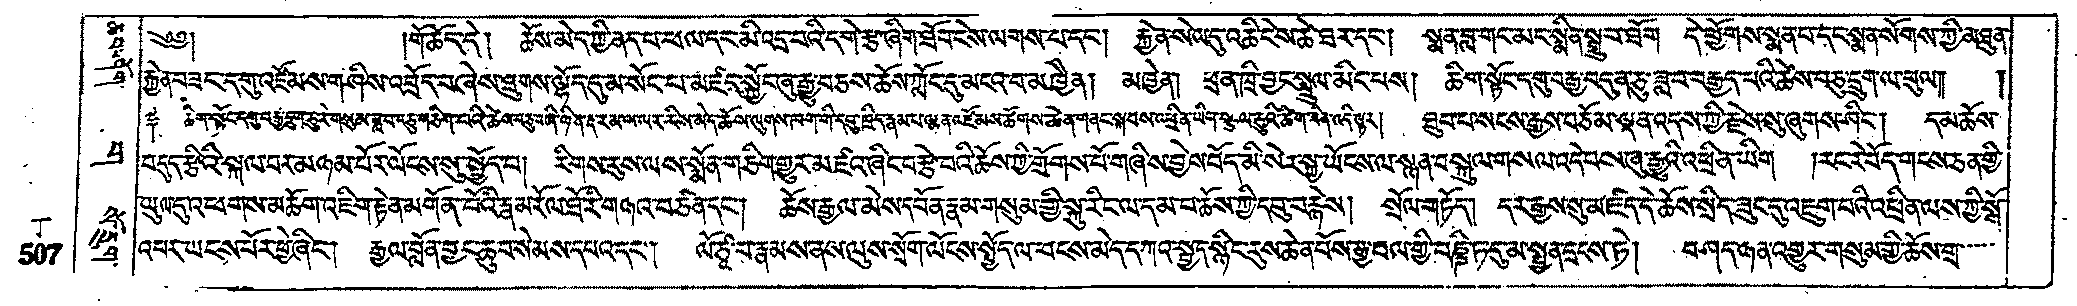༄༅། །གོ་ཆོད་དེ། ཆོས་མེད་ཀྱི་ནད་པ་ཕལ་དང་མི་འདྲ་བའི་དགེ་རྩ་ཞིག་ཐོབ་ངེས་ལགས་པ་དང་། རྐྱེན་སེལ་དུ་འཆི་ངེས་ཚེ་ཐར་དང་། སྨན་བླ་གང་མང་སྨིན་སྒྲུབ་ཐོག་དེ་ཕྱོགས་སྨན་པ་དང་སྨན་སོགས་ཀྱི་མཐུན་
རྐྱེན་བཟང་དགུ་འཛོམས་གཤིས་འཕྲོད་བཞེས་ཐུགས་ལྷོད་དུ་མ་སོང་པ་མཛད་སྐྱོང་ཞུ་རྒྱུ་བཅས་ཆོས་ཀློང་དུ་མངའ་བ་མཁྱཻན། མཁྱེན། ཕྲན་ཁྲི་བྱང་སྤྲུལ་མིང་པས། ཆིག་སྟོང་དགུ་བརྒྱ་བདུན་ཅུ་ཟླ་བ་བརྒྱད་པའི་ཚེས་བཅུ་དྲུག་ལ་ཕུལ།། །།
འ་ཆིག་སྟོང་དགུ་བརྒྱ་དྲུག་ཅུ་རེ་གསུམ་ཟླ་བ་བཅུ་གཅིག་པའི་ཚེས་བཅུ་བཞི་ཉིན་རྡ་རམ་ས་ལར་རིས་མེད་ཆོས་ལུགས་ཁག་གི་དབུ་ཁྲིད་རྣམ་པ་ལྷན་འཛོམས་ཚོགས་ཆེན་གནང་སྐབས་འཕྲིན་ཡིག་སྩལ་རྒྱུའི་ཚིག་ཟིན་འདི་ལྟར།  ཐུབ་པ་སངས་རྒྱས་བཅོམ་ལྡན་འདས་ཀྱི་རྗེས་སུ་ཞུགས་ཤིང་། དམ་ཆོས་
བདུད་རྩིའི་སྐལ་བར་མཉམ་པོར་ལོངས་སུ་སྤྱོད་པ། རིགས་རུས་ལས་སྨོན་གཅིག་གྱུར་མཛའ་ཞིང་བརྩེ་བའི་ཆོས་ཀྱི་གྲོགས་པོ་གཞིས་བྱེས་བོད་མི་སེར་སྐྱ་ཡོངས་ལ་སྙན་བསྐུལ་གསལ་འདེབས་ཞུ་རྒྱུའི་འཕྲིན་ཡིག །རང་རེ་བོད་གངས་ཅན་གྱི་
ཡུལ་དུ་འཕགས་མཆོག་འཇིག་རྟེན་མགོན་པོའི་རྣམ་རོལ་ཐོ་རི་གཉའ་བཙན་དང་། ཆོས་རྒྱལ་མེས་དབོན་རྣམ་གསུམ་གྱི་སྐུ་རིང་ལ་དམ་པ་ཆོས་ཀྱི་དབུ་བརྙེས། སྲོལ་གཏོད། དར་རྒྱས་སུ་མཛད་དེ་ཆོས་སྲིད་ཟུང་དུ་འཇུག་པའི་འཕྲིན་ལས་ཀྱི་སྒོ་
འཕར་ཡངས་པོར་ཕྱེ་ཞིང་། རྒྱལ་བློན་བྱང་ཆུབ་སེམས་དཔའ་དང་། ལོ་ཙཱ་བ་རྣམས་ནས་ལུས་སྲོག་ལོངས་སྤྱོད་ལ་ཕངས་མེད་དཀའ་སྤྱད་སྙིང་རུས་ཆེན་པོས་རྒྱ་བལ་གྱི་པཎྜི་ཏ་དུ་མ་སྤྱན་དྲངས་ཏེ། བཤད་ཉན་འགྱུར་གསུམ་གྱི་ཆོས་གྲ་་་